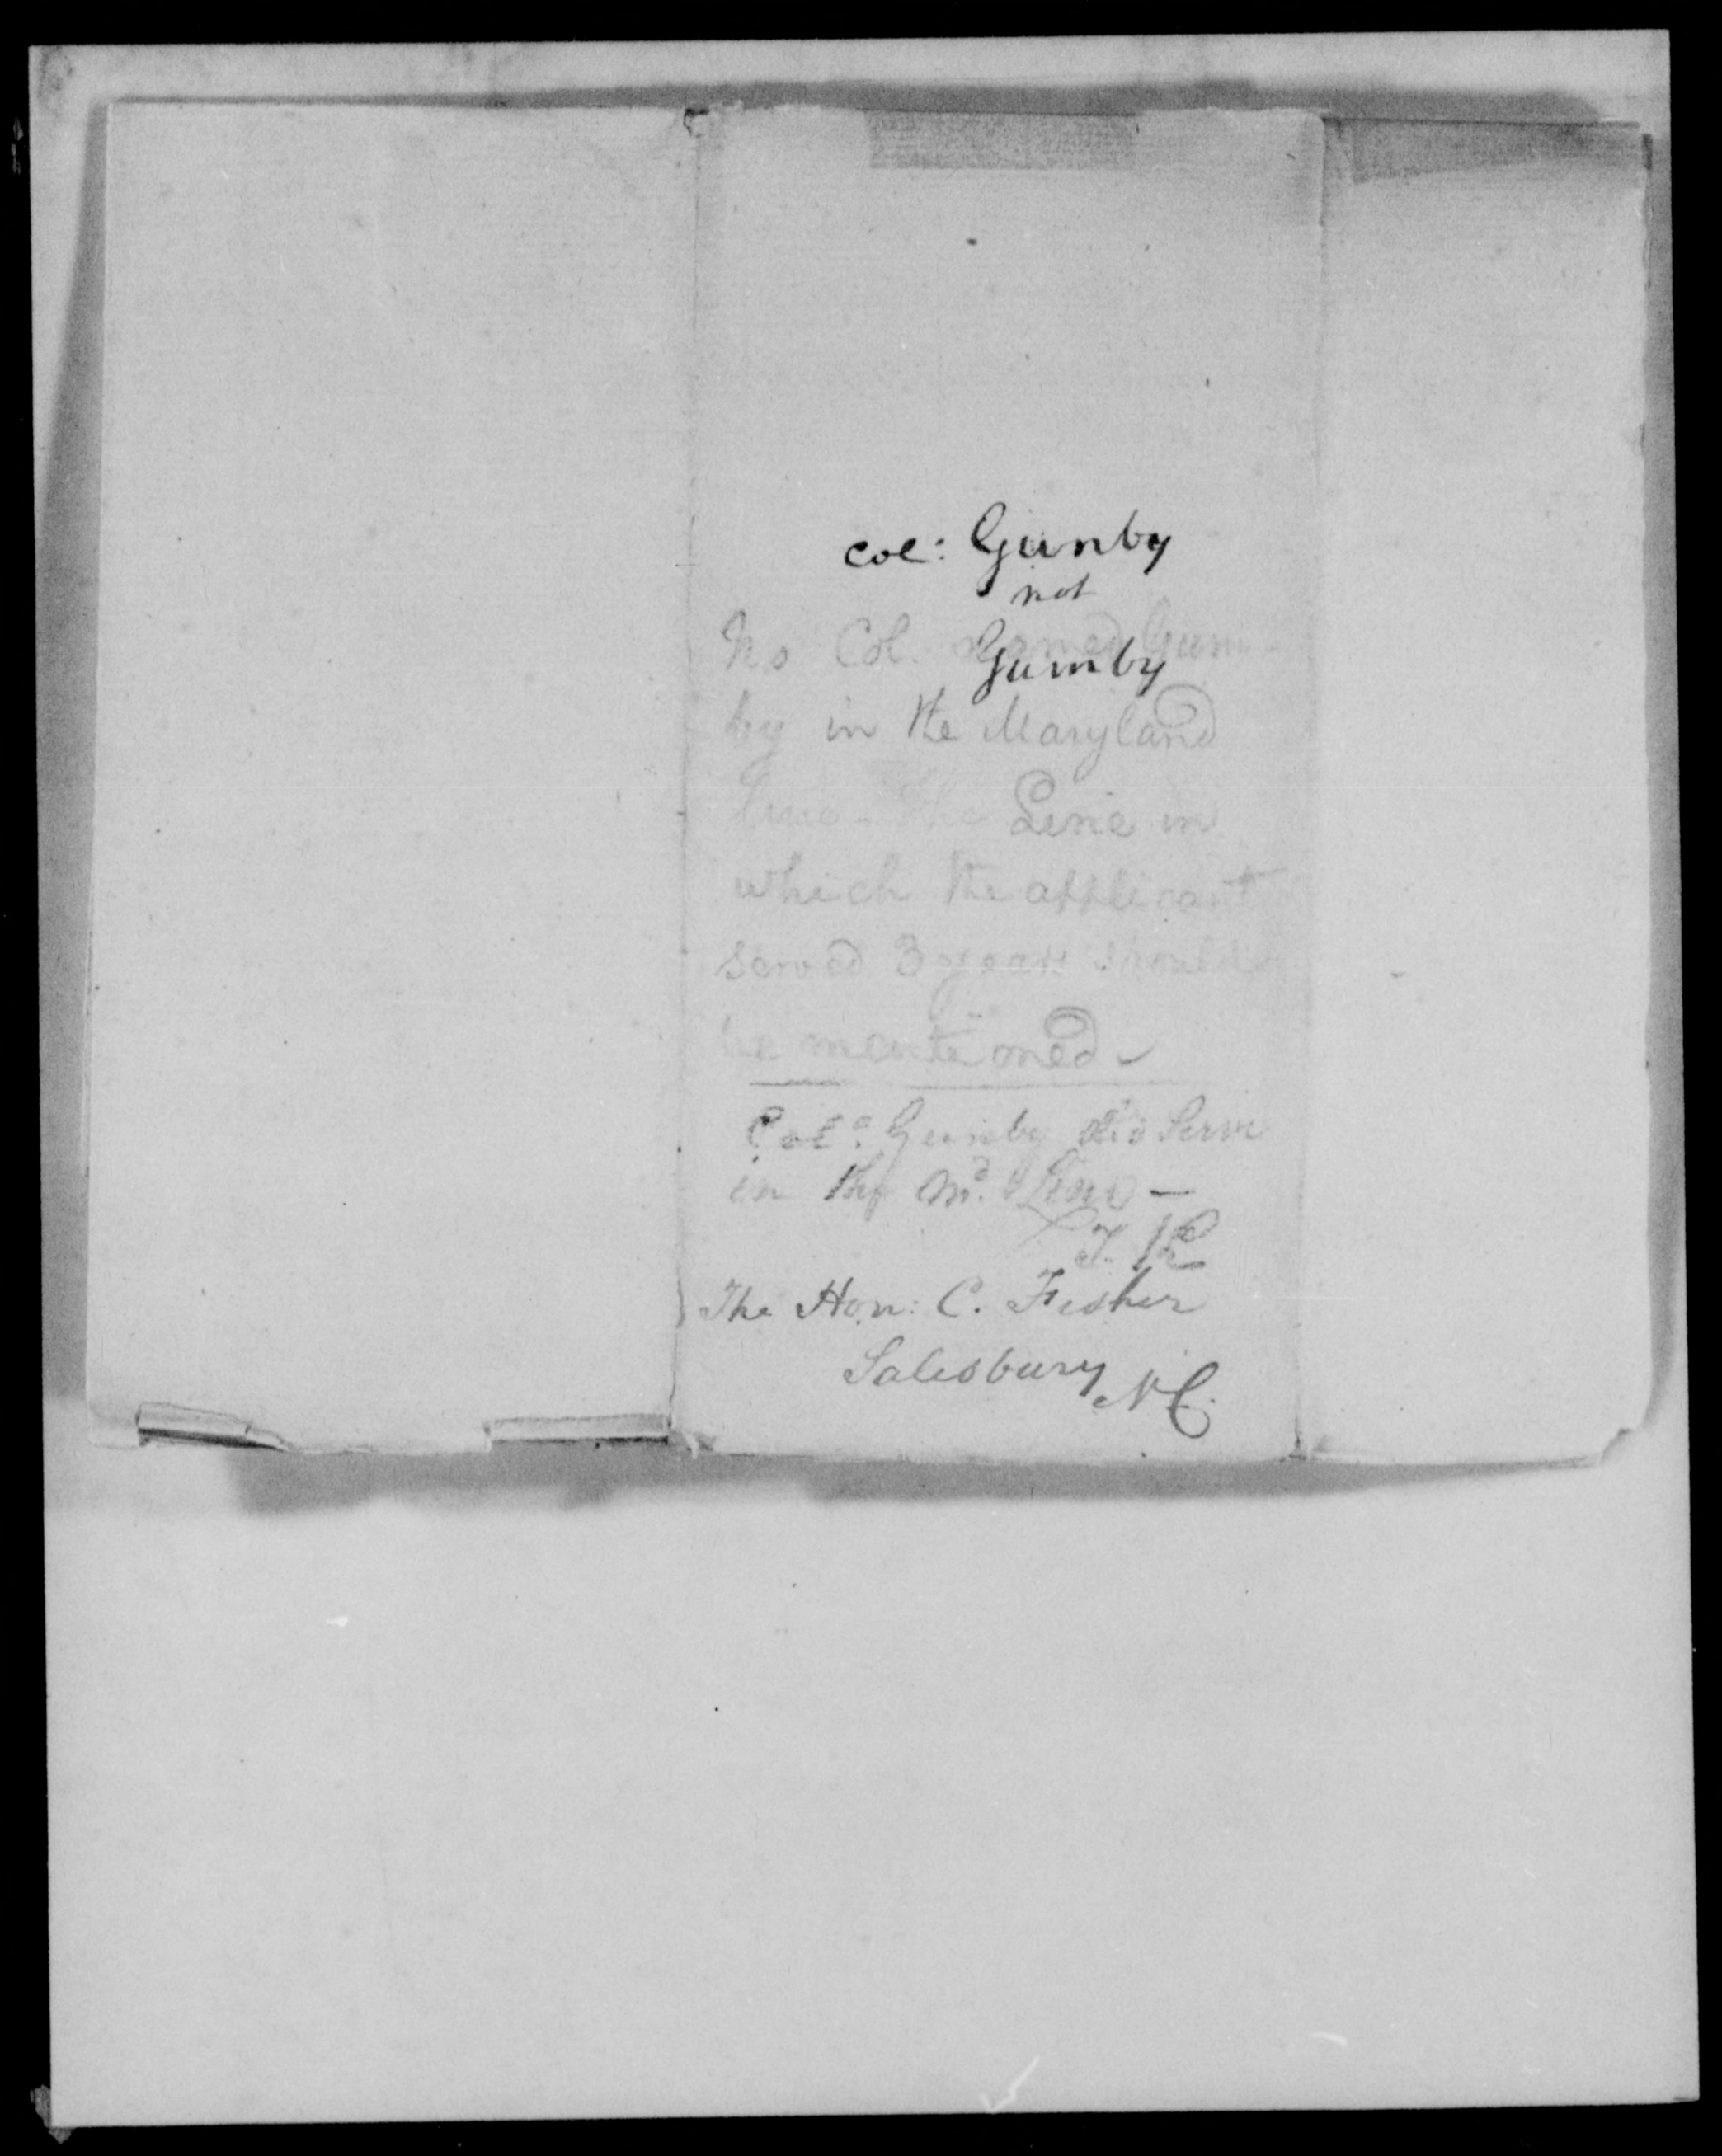Col. Gunby
not
N.o. Col. James Gumby
by in the Maryland
line. The Line in
which this applicant
served 3 years should
be mentioned.
---
Col. Gunby did serve
in the Md Line-
The Hon. C. Fisher
Salisbury NC.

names: C Fisher, Gumby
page: 4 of 12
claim: survivor's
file: S. 42060, William West, Md.